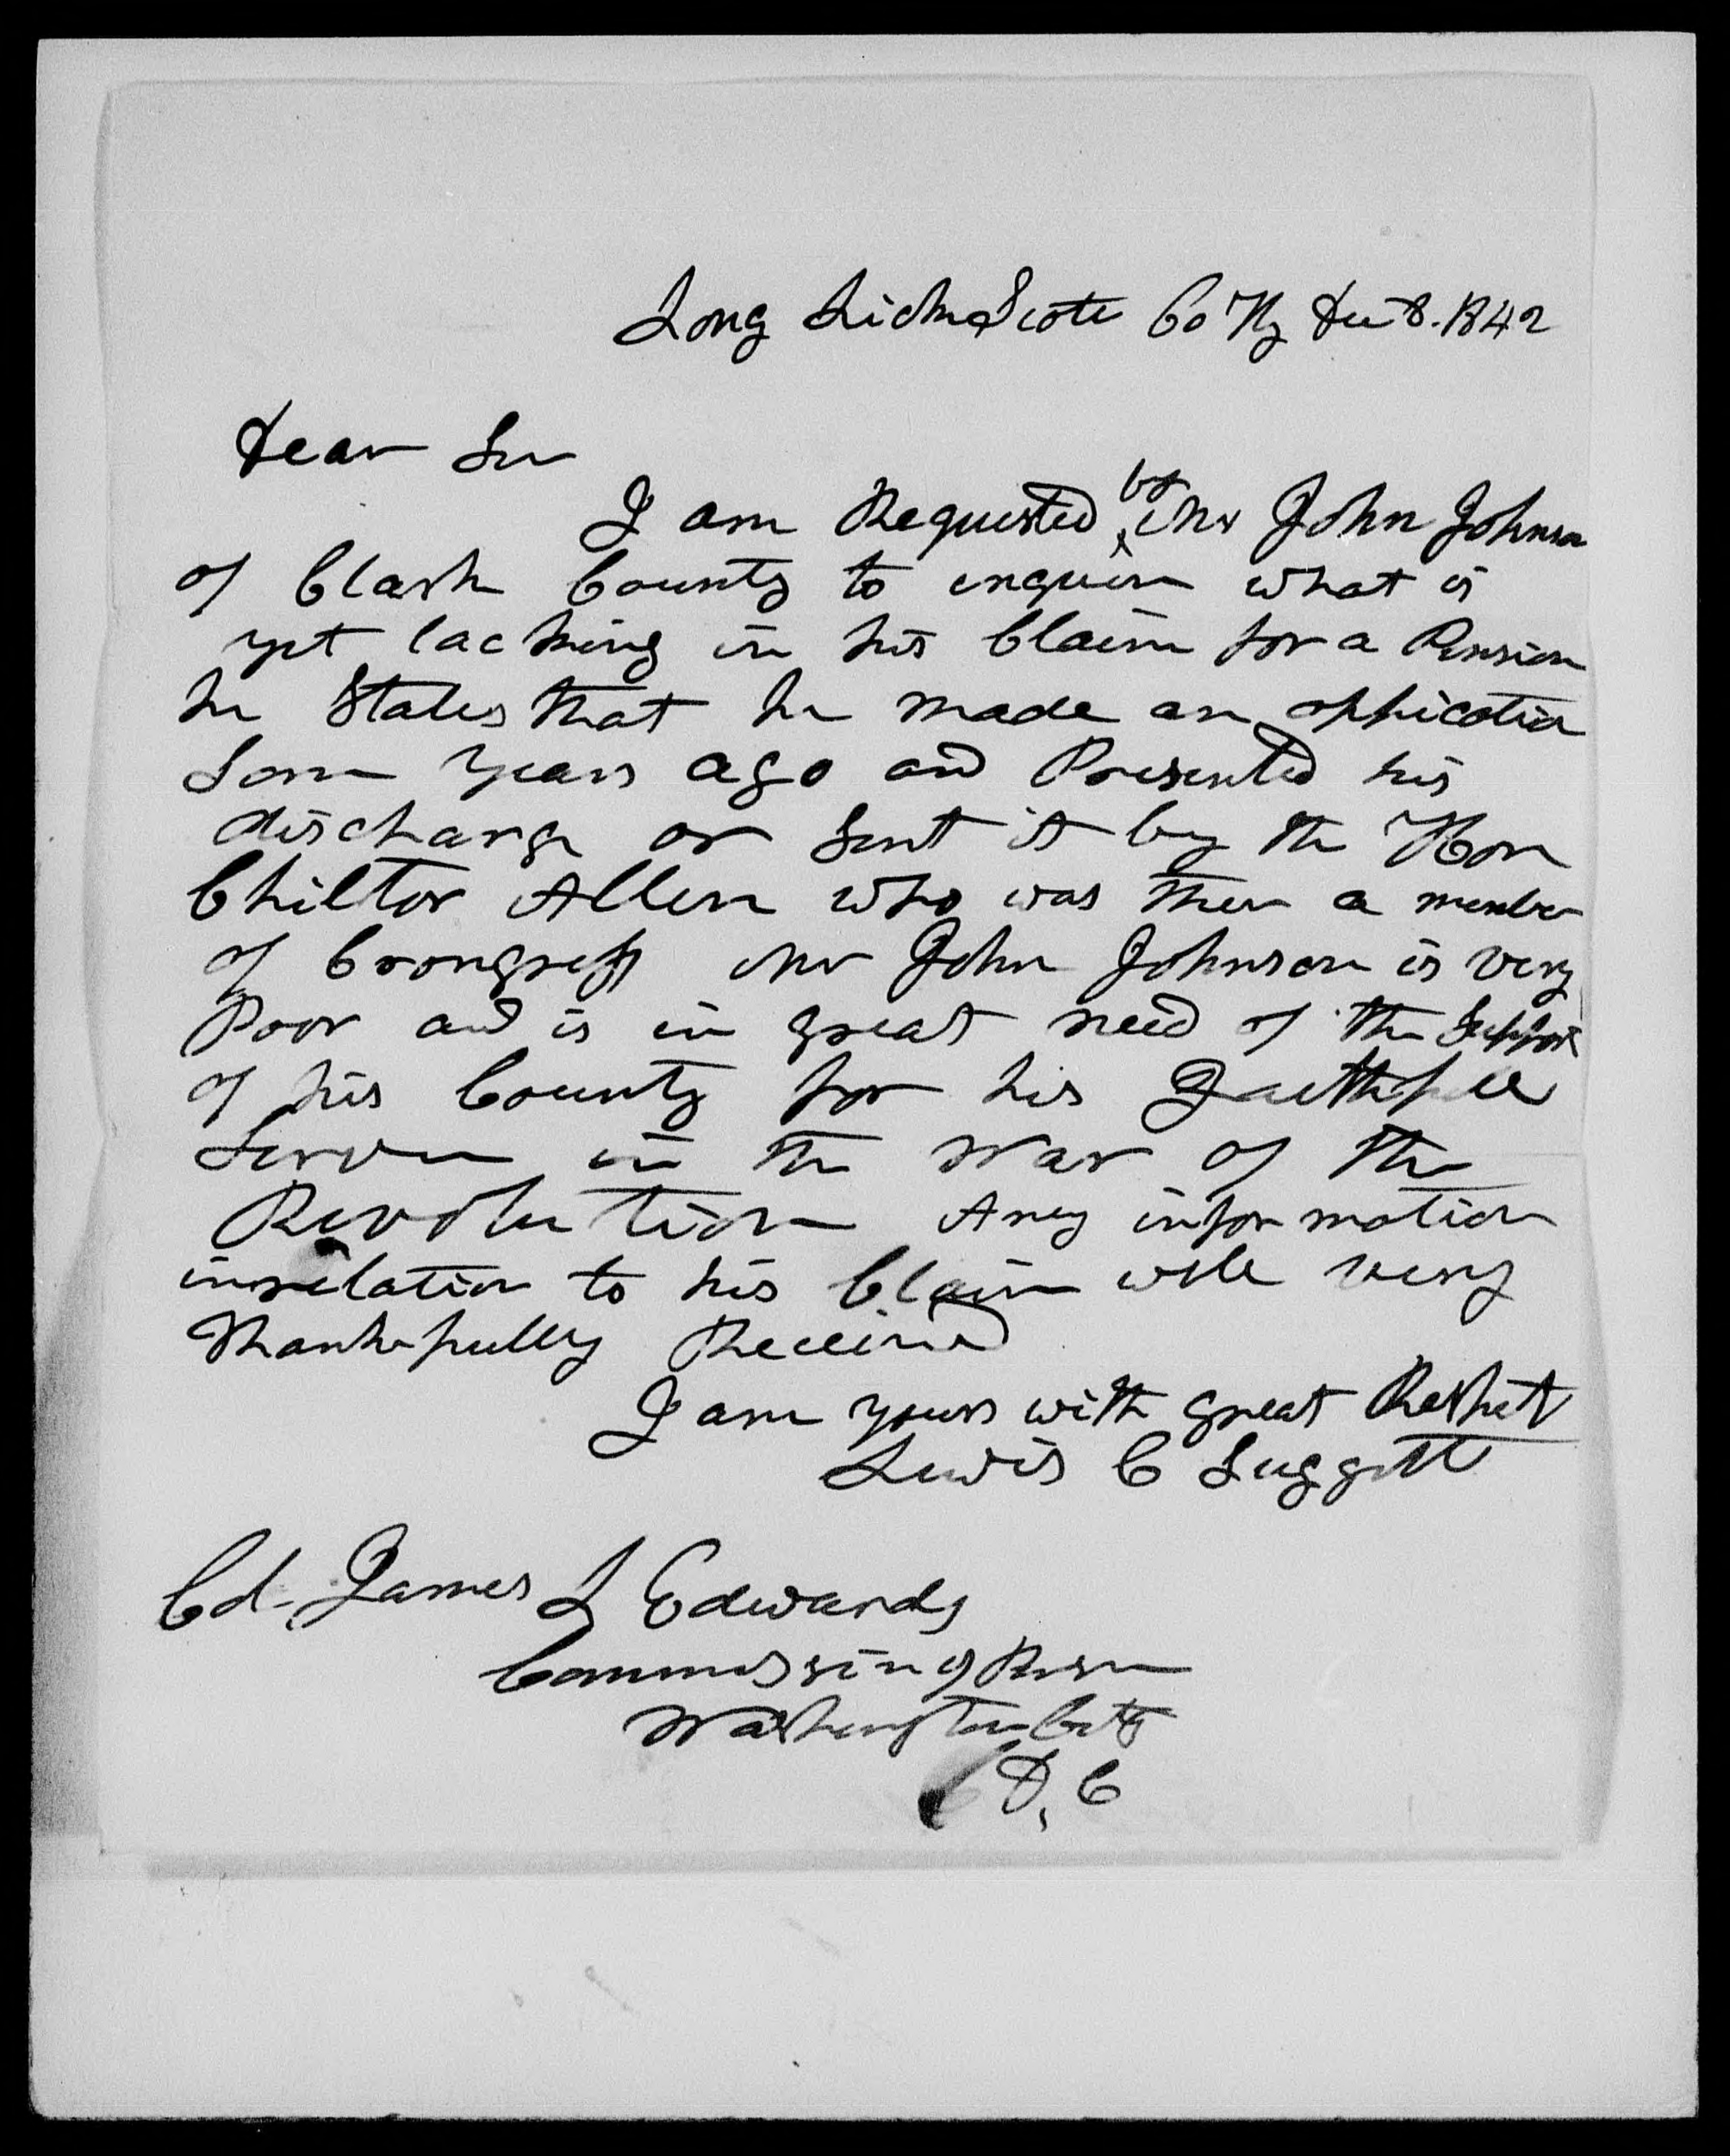Long Lick Scott Co Ky Dec 8. 1842
Dear Sir
I am Requested by Mr. John Johnson of Clark County to enquire what is yet lacking in the Claim for a Pension he states that he made an application some years ago and Presented his discharge or sent it by the Hon. Chiltor Allen who was then a member of Congress Mr. John Johnson is very Poor and is in great need of the Support of his Country for his faithfull service in the War of the Revolution Any information in relation to his Claim will very Thankfully Received
I am yours with Great Respect
Lewis C Suggett

Col. James L Edwards
Commissioner of Pensions
Washington City
D,C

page: 16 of 16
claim: rejected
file: R. 5634, for John Johnson, Virginia